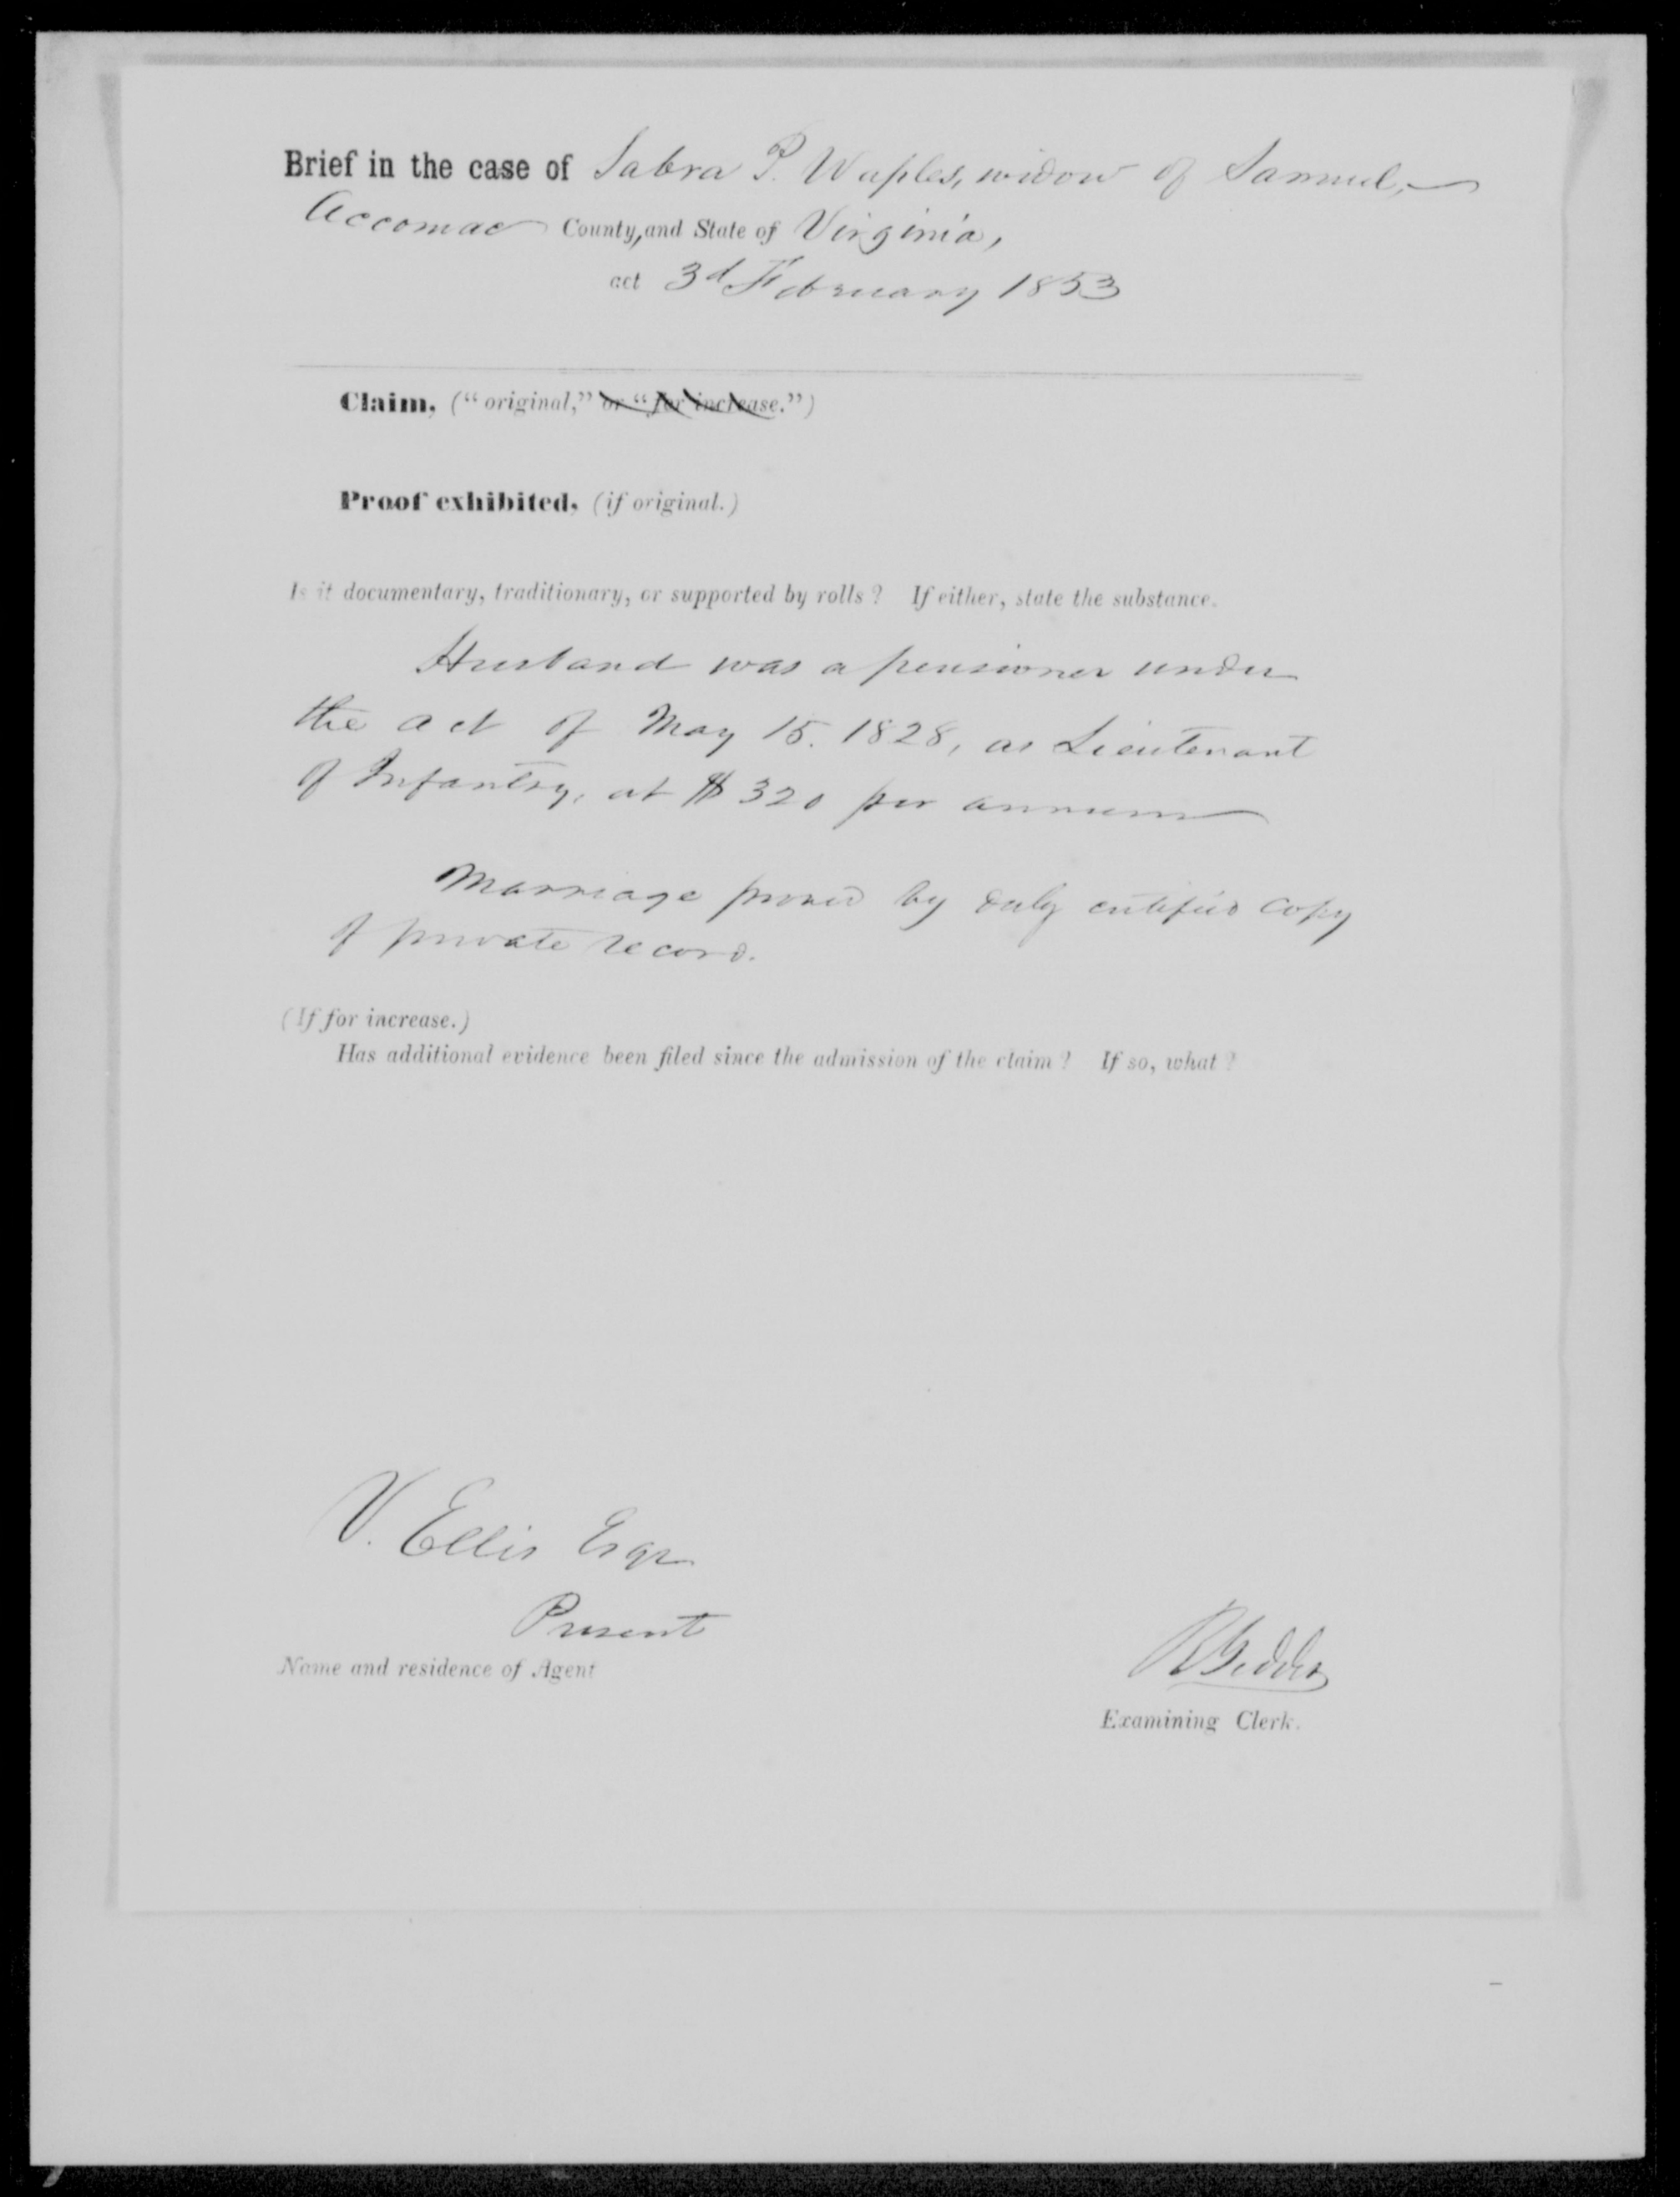Brief in the case of Sabra P Waples, widow of Samuel -
Accomack County, and State of Virginia,
Act 3d February 1853

Claim, ("original,")
Proof exhibited, (if original.) 
Is it documentary, traditionary, or supported by rolls? If either, state the substance.
Husband was a pensioner under the Act of May 15, 1828, as Lieutenant of Infantry, at $320 per annum
Marriage proved by duly certified Copy of private record.

(If for increase.)
Has additional evidence been filed since the admission of the claim? If so, what? 

V. Ellis Esqr
Present
Name and residence of Agent

R Geddes
Examining Clerk.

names: Sabra P Waples, V Ellis, R Geddes, Samuel Waples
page: 30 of 59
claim: widow's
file: W. 6427, Samuel Waples, Va.